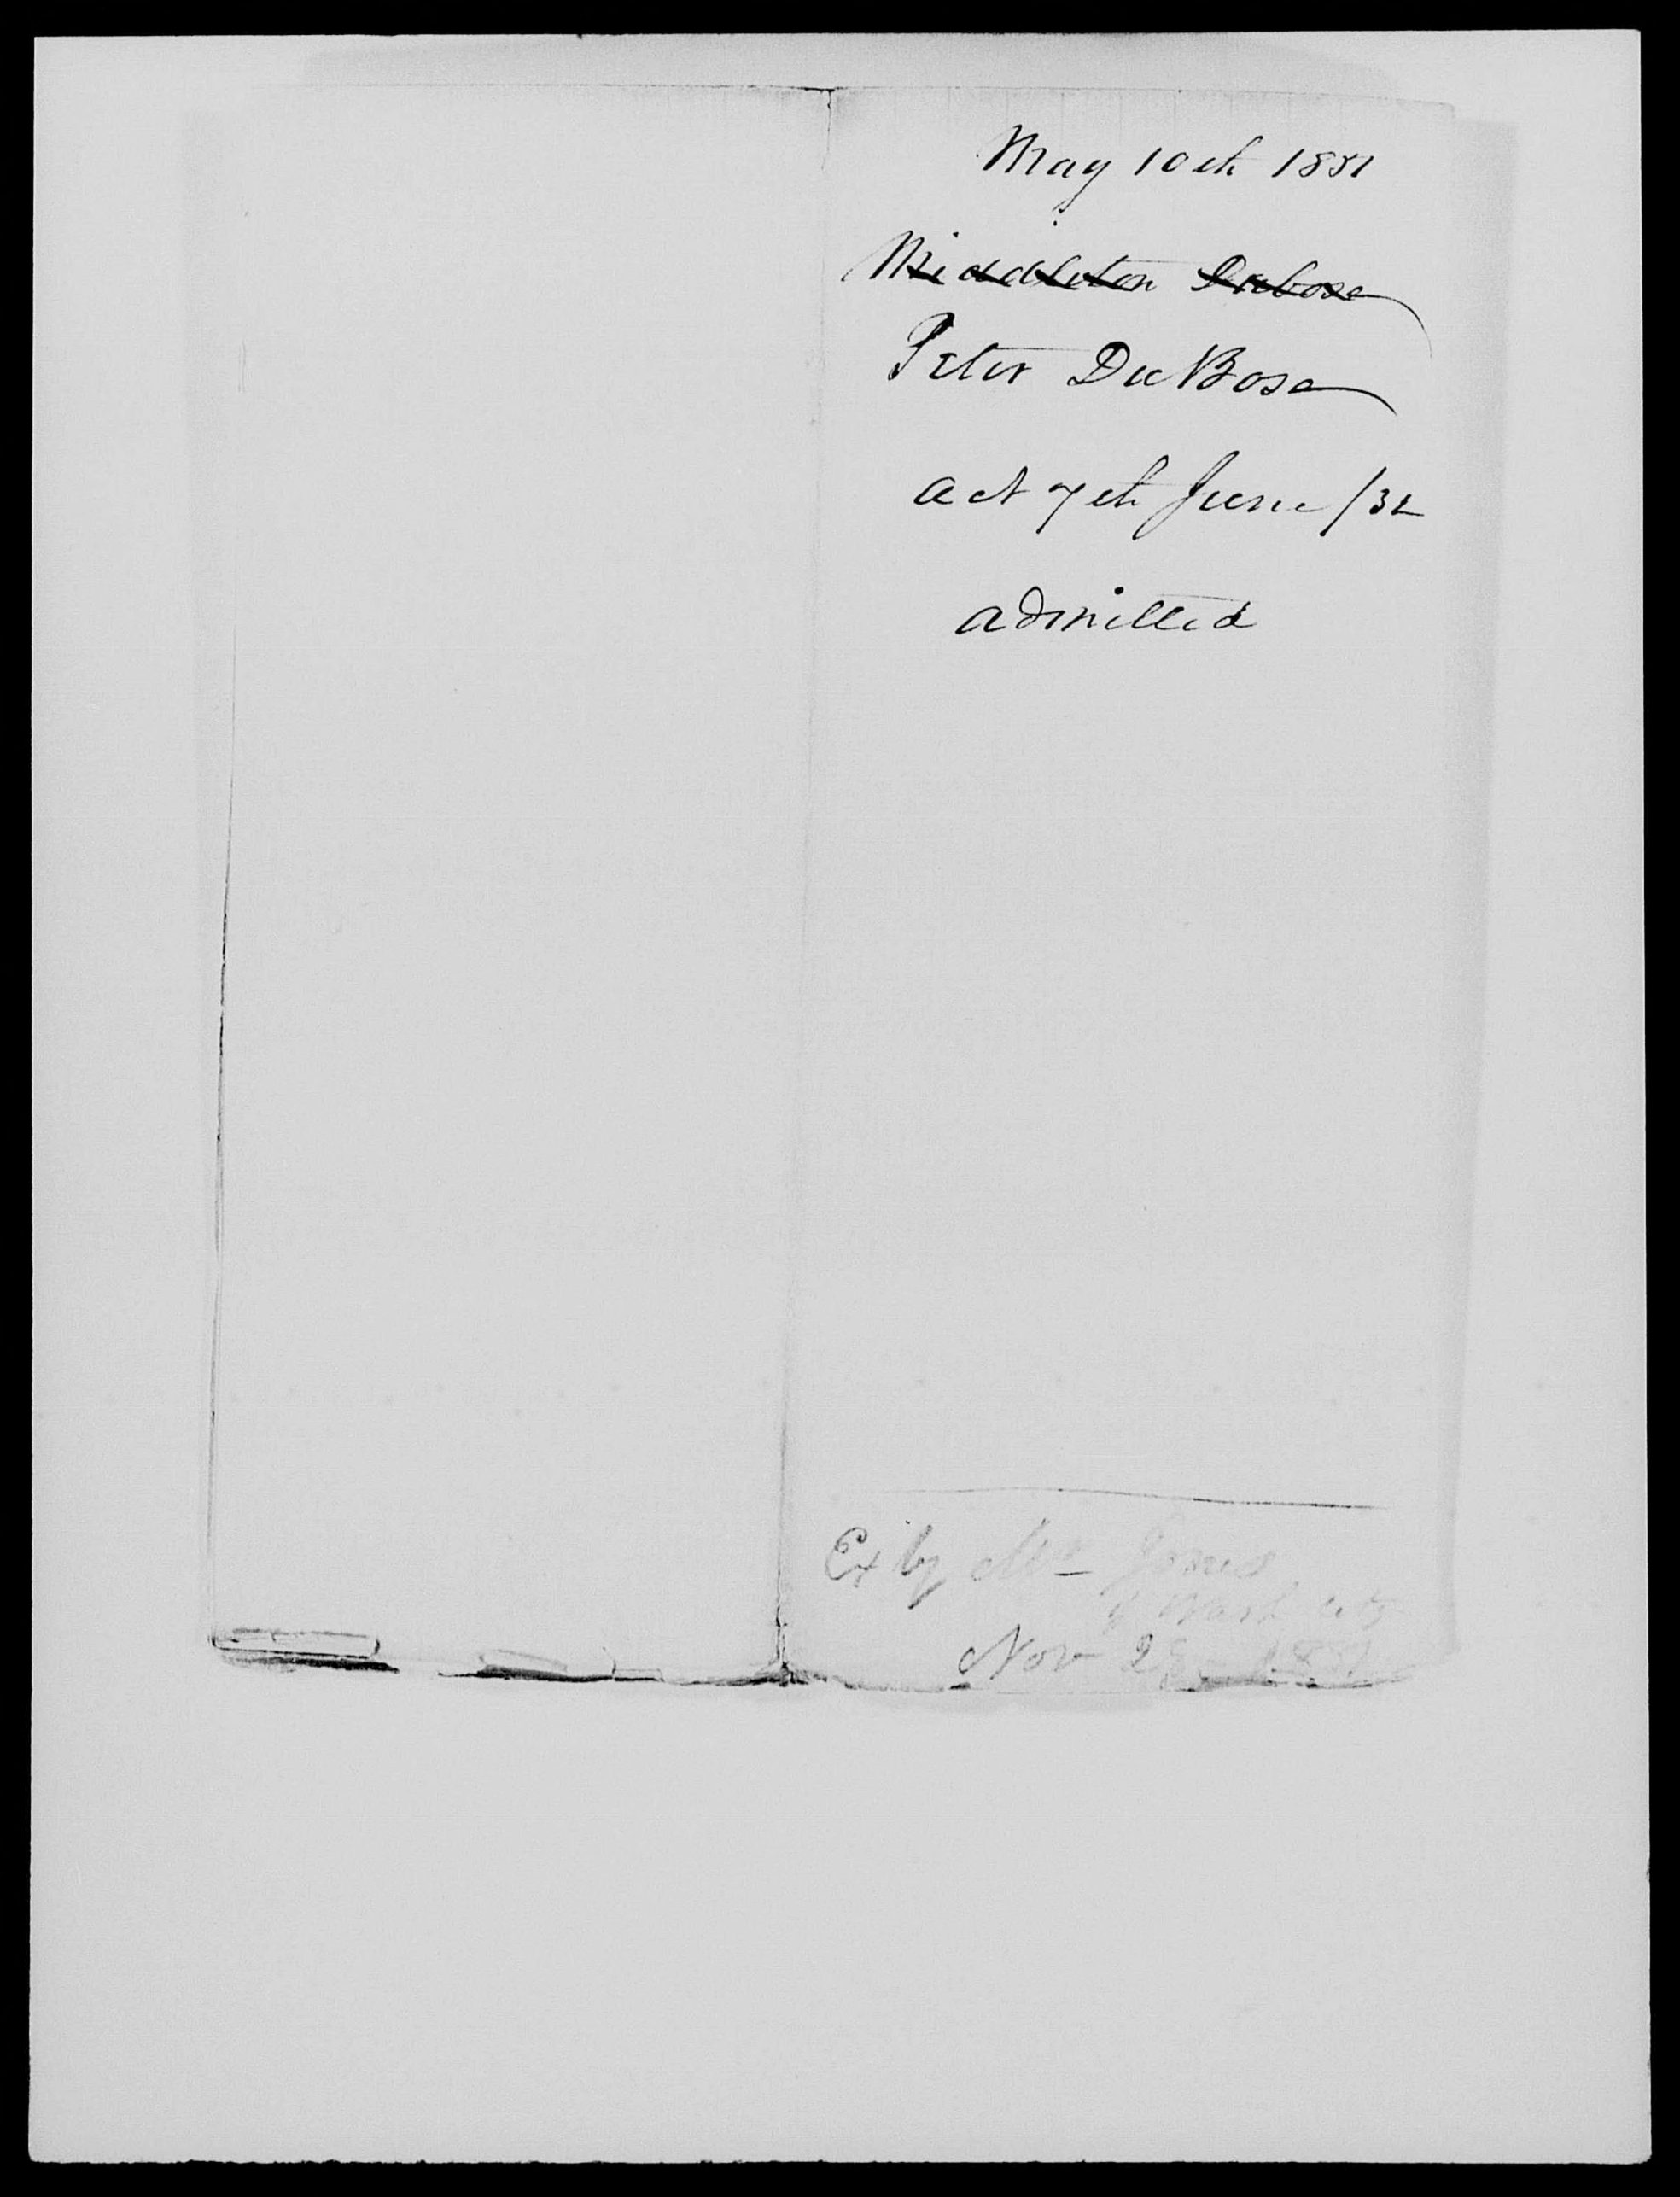May 10th 1851

(Crossed out - Middleton DuBose)

Peter DuBose

Act 7th June /32

admitted


Ex by [illegible] _ Jones
                                   of Wash City
                                    Nov 28 1857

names: Peter Du Bose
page: 4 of 43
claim: survivor's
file: S. 21163, Peter Dubose, S.C.